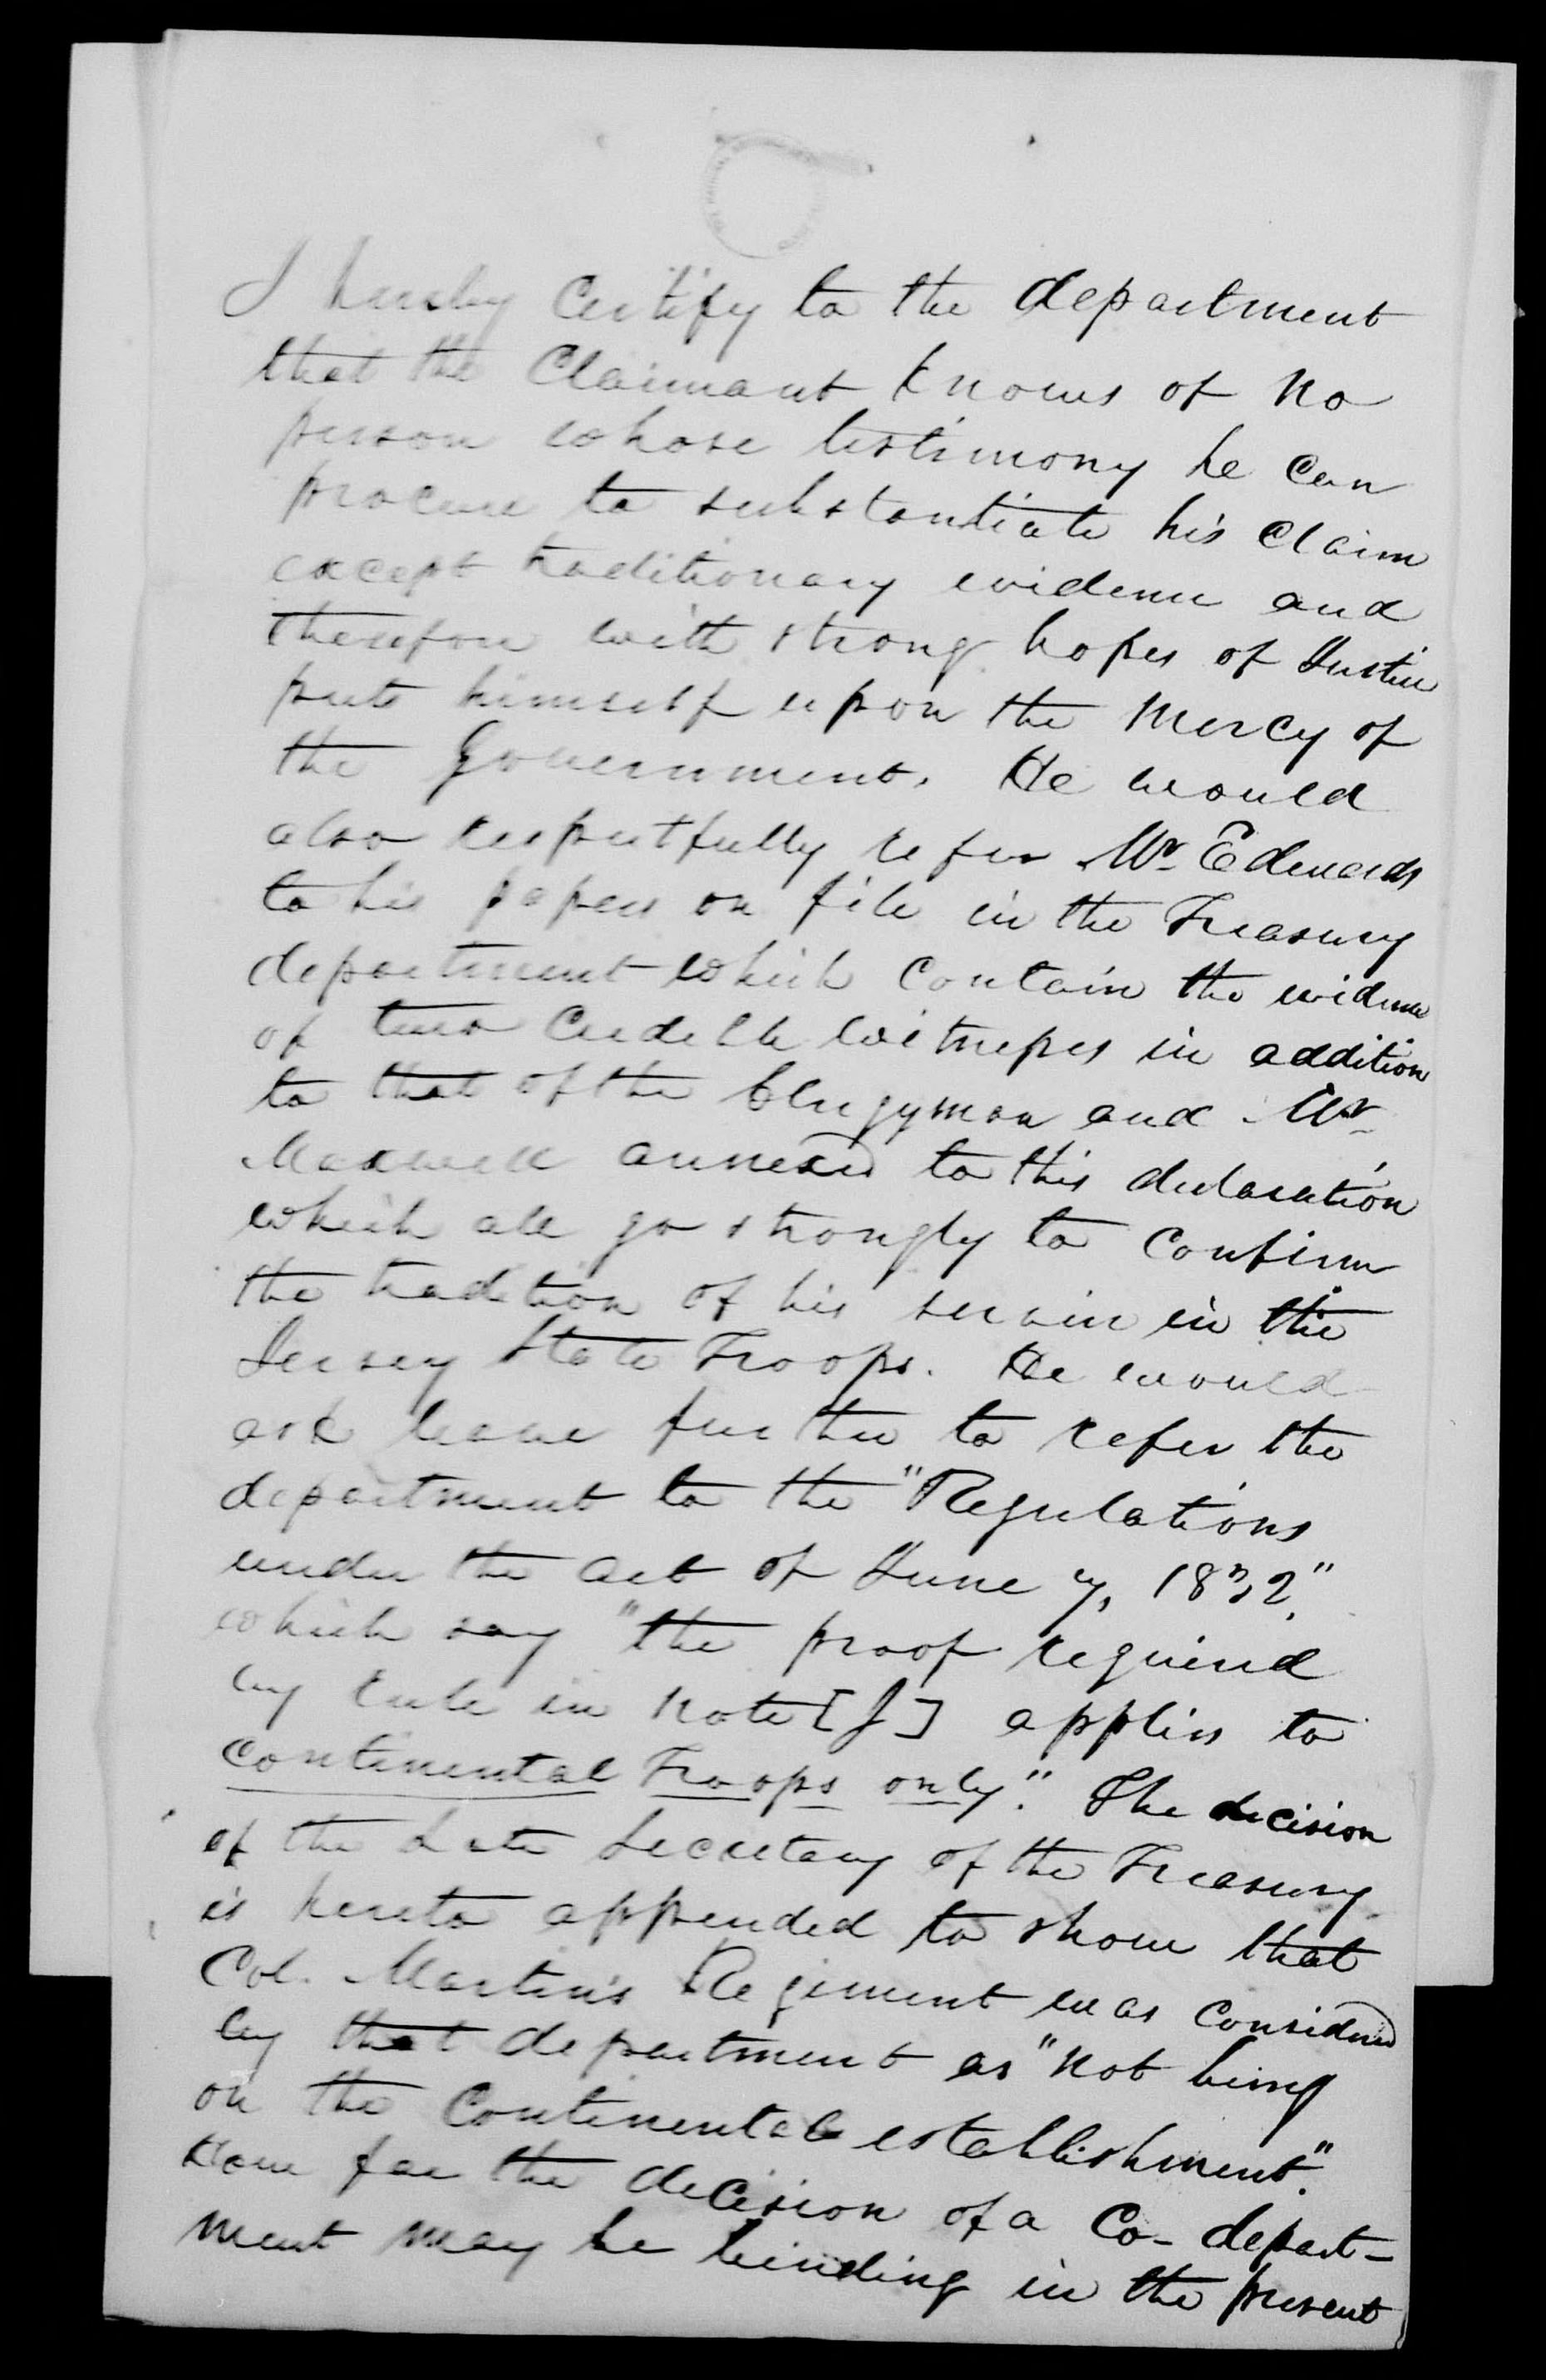[stamp  - The National Archives of the United States]

I hereby certify to the department
that the claimant knows of no
person whose testimony he can
procure to substantiate his claim
except traditionary evidence and
therefore with strong hopes of Justice
puts himself upon the mercy of 
the Government.  He would
also respectfully refer Wm Edwards
to his papers on file in the Treasury
department – which contain the evidence 
of two credible witnesses in addition
to that of the Clergyman and Wm
Maxwell annexed to this declaration
which all go strongly to confirm 
the validation of his service in the
Jersey State Troops.  He would
ask leave further to refer the 
department to the “Regulations
under the act of June 7, 1832,”
which say “the proof required
by Rule in Note [J] applies to 
continental troops only”.  The decision
of the late Secretary of the Treasury
is hereto appended to show that 
Col. Martin’s Regiment was considered
by the department as “not being 
on the Continental establishment”.
How far the decision of a co-depart-
ment may be deciding in the present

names: Maxwell, Edwards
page: 35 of 40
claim: rejected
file: R. 1,570, Samuel Culver, New Jersey